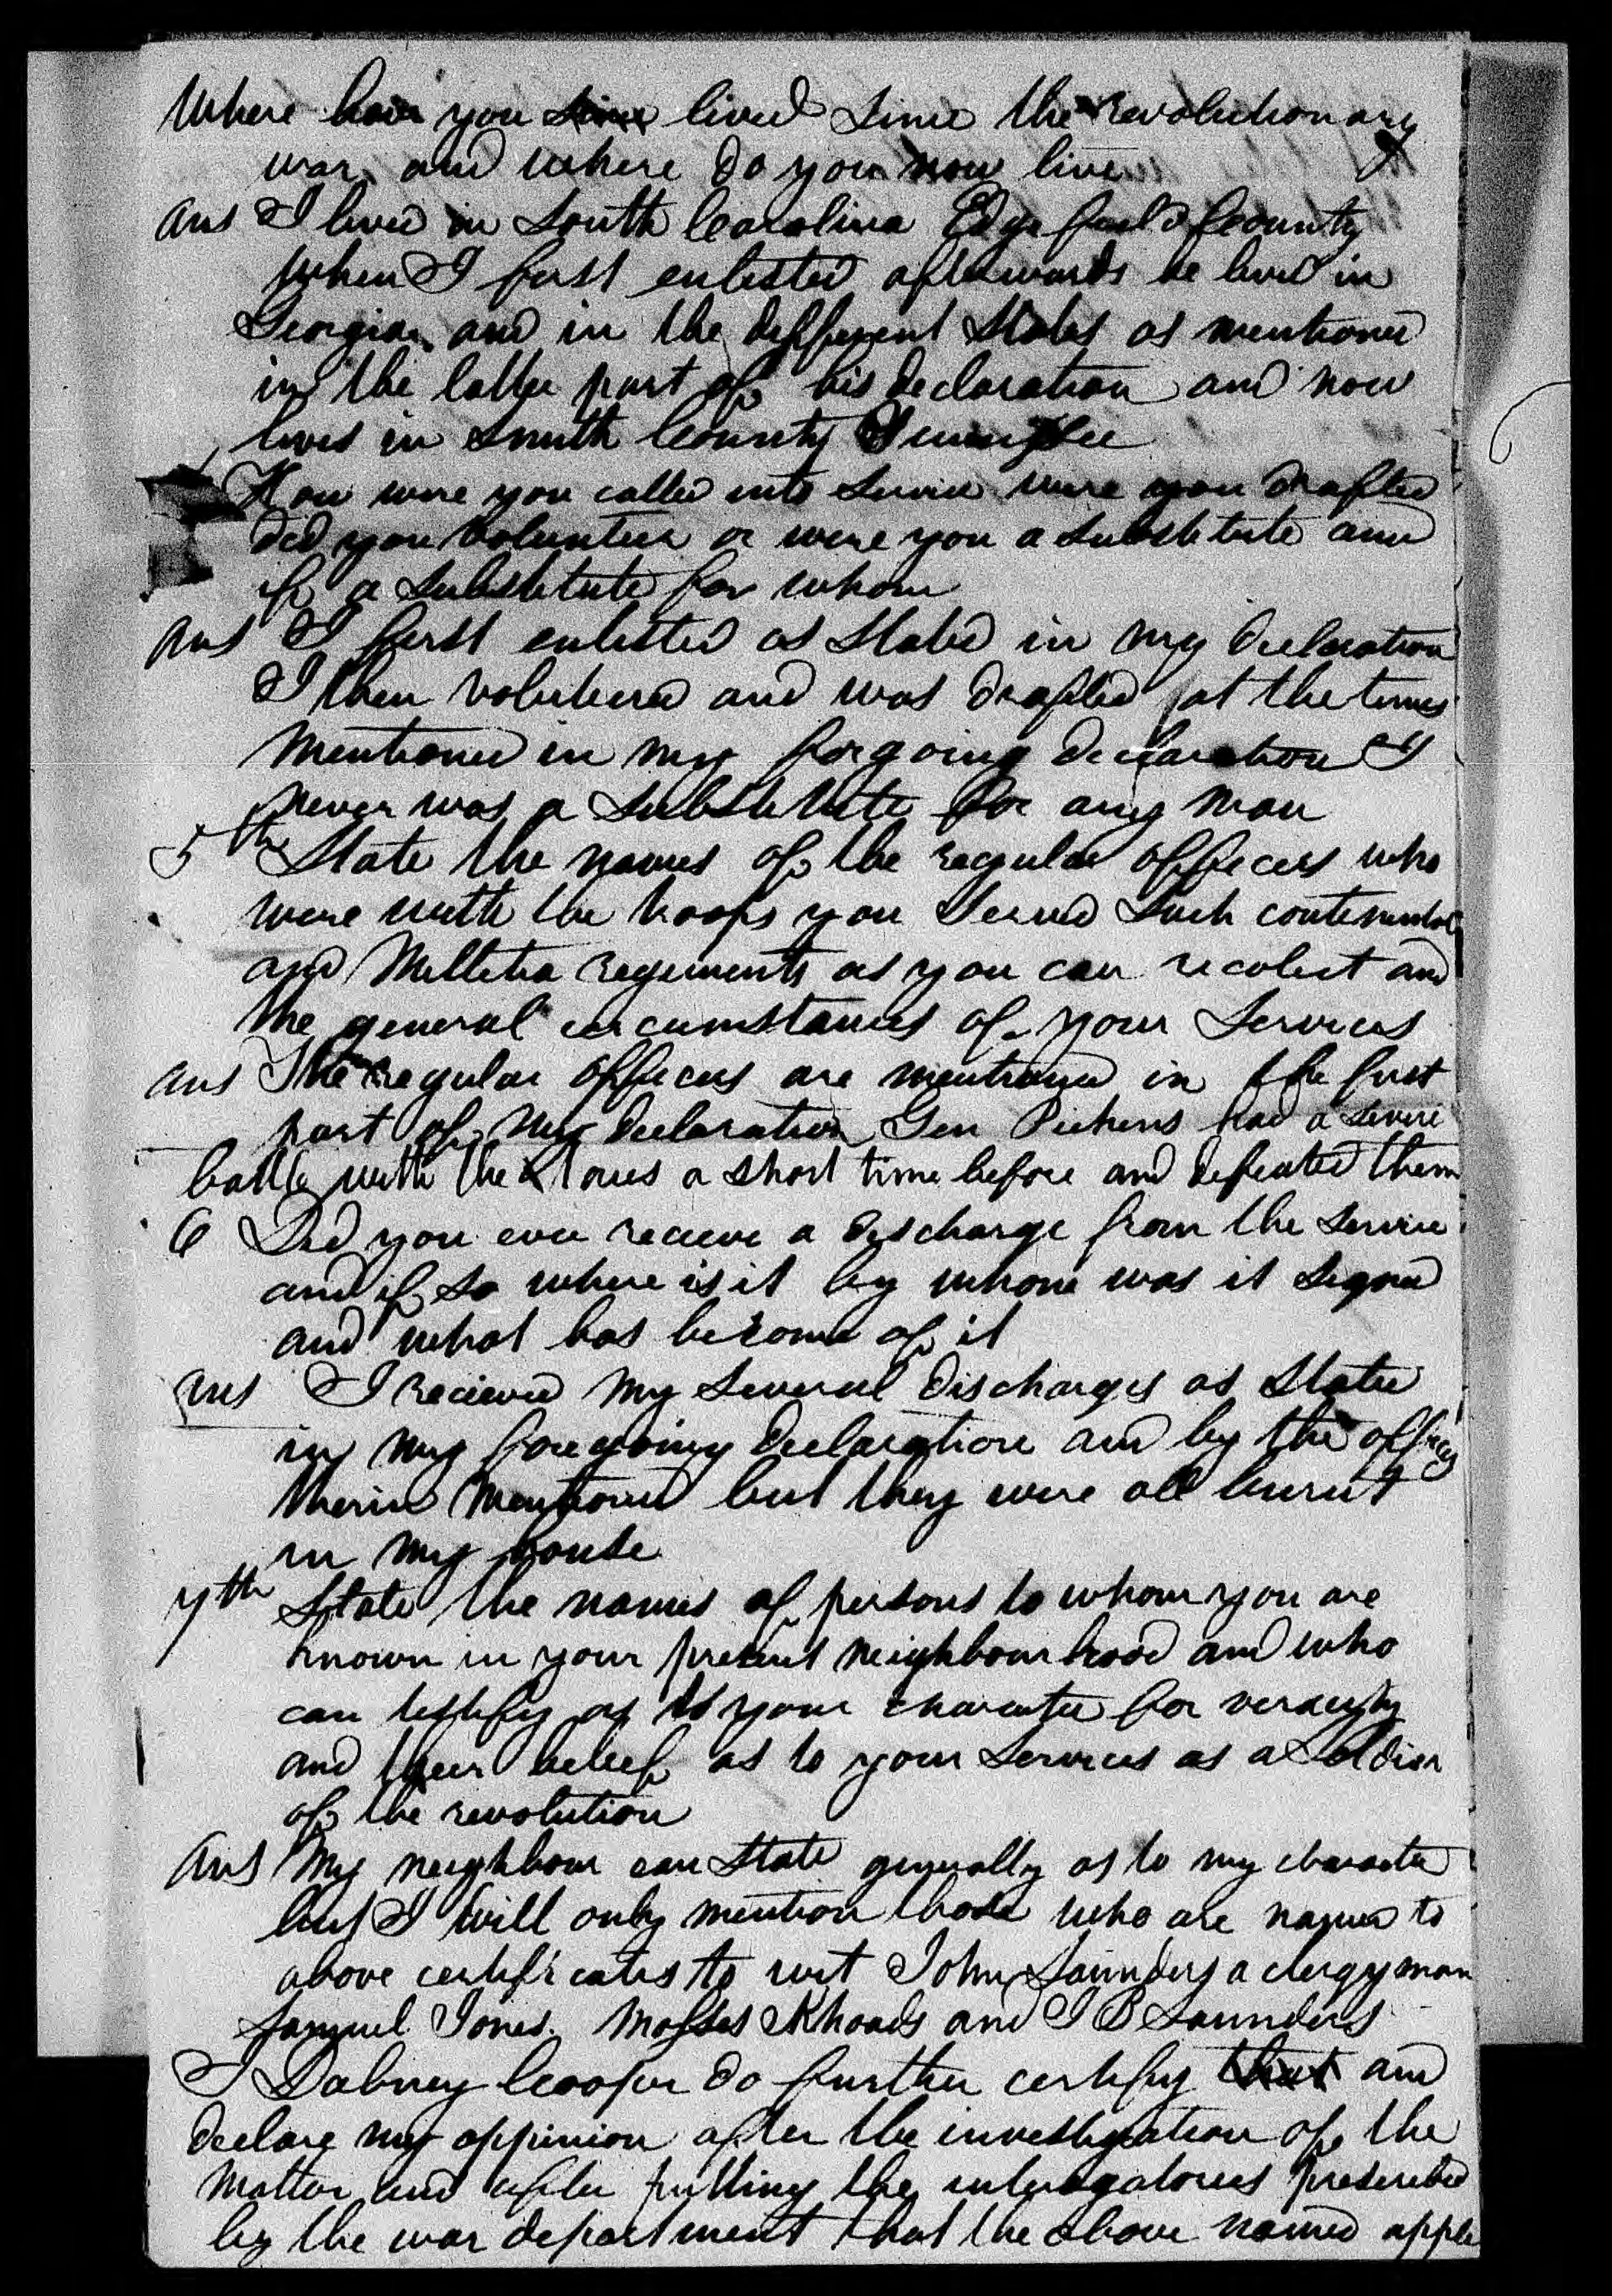[3d interrogatory continued]
where have you lived since the Revolutionary war and where do you now live?
Ans I lived in South Carolina Edgefield County When I first enlisted afterwards he lived in Georgia and in the different States as mentioned in the latter part of his declaration and now lives in Smith County Tennessee
4th How were you called into service were you drafted did you volunteer or were you a substitute and if a substitute for whom?
Ans I first enlisted as stated in my Declaration I then volunteered and was drafted at the times
mentioned in my forgoing declaration, never was a substitute for any man
5th State the names of the regular officers who were with the troops you served such continental
and Militia Regiments as you can recollect and the general circumstances of your services
Ans the regular officers are mentioned in the first part of my declaration Gen Pickens had a severe
battle with the Tories a short time before and defeated them
6th Did you ever receive a discharge from the service and if so where is it by whom was it signed
and what has become of it
Ans. I received my Several discharges as stated in my foregoing declaration and by the officers
therein mentioned but they were all burnt in my house
7th State the names of persons to whom you are known in your present neighbourhood and who
can testify of your character for veracity and their belief as to your services as a Soldier of the revolution
Ans my neighbour can State generally as to my character but I will only mention those who are named to the above certificates to wit John Saunders a Clergyman, Samuel Jones,  Moses Rhoads and J B Saunders

I, Dabney Cooper do further certify and declare my opinion after the investigation of the matter and after putting the interrogatories prescribed by the war department that the above named appli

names: Samuel Jones; [BLANK] Pickens; Dabney Cooper; John Saunders; J B Saunders; Mosses Rhoads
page: 45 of 115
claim: widow's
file: W. 1446, for John Mc Clung, South Carolina